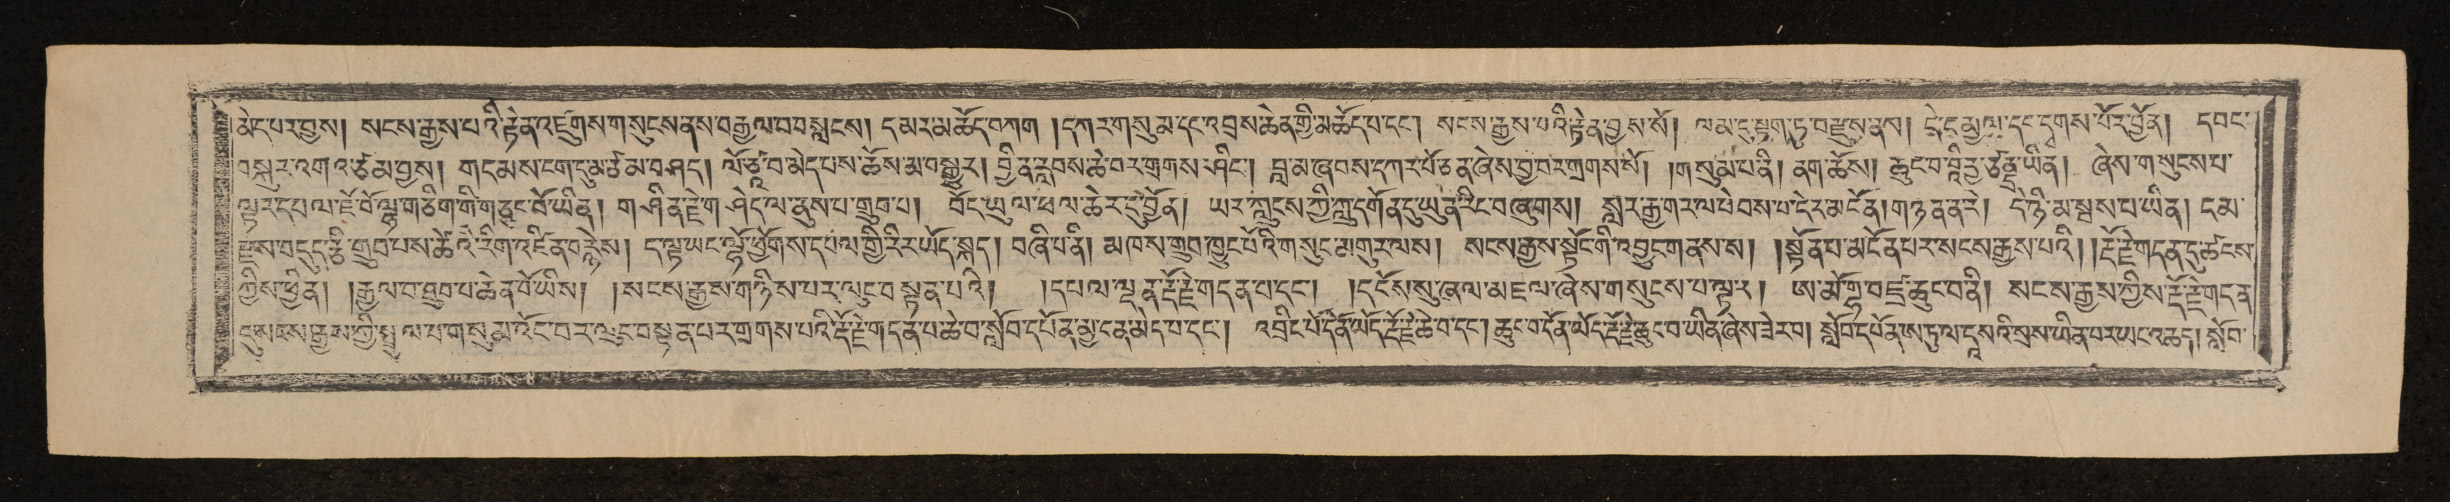མེད་པར་བྱས། སངས་རྒྱས་པའི་རྟེན་འཛུགས་གསུངས་ནས་བརྒྱལ་བ་བསླངས། དམར་མཆོད་བཀག །དཀར་གསུམ་དང་འབྲས་ཆན་གྱི་མཆོད་པ་དང་། སངས་རྒྱས་པའི་རྟེན་བྱས་སོ། ལམ་དུ་སྟག་ཏུ་བརྫུས་ནས། དེ་དམྱལ་དང་དྭགས་པོར་བྱོན། དབང་
བསྐུར་འགའ་ཙམ་བྱས། གདམས་ངག་དུ་མ་ཙམ་བཤད། ལོ་ཙཱ་བ་མེད་པས་ཆོས་མ་བསྒྱུར། བྱིན་རླབས་ཆེ་བར་གྲགས་ཤིང་། བླ་མ་ཞབས་དཀར་པོ་ཅན་ཞེས་བྱ་བར་གྲགས་སོ། །གསུམ་པ་ནི། ནག་ཚོས། ཆུང་བ་བཱིརྱ་ཙནྡྲ་ཡིན། ཞེས་གསུངས་པ་
ལྟར་དཔལ་ཇོ་བོ་ལྷ་གཅིག་གི་གཅུང་པོ་ཡིན། གཤིན་རྗེ་གཤེད་ལ་ནུས་པ་གྲུབ་པ། བོད་ཡུལ་ཕལ་ཆེར་དུ་བྱོན། ཡར་ཀླུངས་ཀྱི་ཀླུ་དགོན་དུ་ཡུན་རིང་བཞུགས། སླར་རྒྱ་གར་ལ་ཕེབས་པ་དེར་མངོན། གཉན་ན་རེ། དེ་ཉི་མ་སྦས་པ་ཡིན། དམ་
རྫས་བདུད་རྩི་གྲུབ་པས་ཚེའི་རིག་འཛིན་བརྙེས། ད་ལྟ་ཡང་ལྷོ་ཕྱོགས་དཔལ་གྱི་རིར་ཡོད་སྐད། བཞི་པ་ནི། མཁས་གྲུབ་ཁྱུང་པོའི་གསུང་མགུར་ལས། སངས་རྒྱས་སྟོང་གི་འབྱུང་གནས་ས། །སྟོང་པ་མངོན་པར་སངས་རྒྱས་པའི། །རྡོ་རྗེ་གདན་དུ་ཚངས་
ཀྱིས་ཕྱིན། །རྒྱལ་བ་ཐུབ་པ་ཆེན་པོ་ཡིས། །སངས་རྒྱས་གཉིས་པར་ལུང་བསྟན་པའི། །དཔལ་ལྡན་རྡོ་རྗེ་གདན་པ་དང་། །དངོས་སུ་ཞལ་མཇལ་ཞེས་གསུངས་པ་ལྟར། ཨ་མོ་གྷ་བཛྲ་ཆུང་བ་ནི། སངས་རྒྱས་ཀྱིས་རྡོ་རྗེ་གདན་
དུ་སངས་རྒྱས་ཀྱི་སྤྲུལ་པ་གསུམ་འོང་བར་ལུང་བསྟན་པར་གྲགས་པའི་རྡོ་རྗེ་གདན་པ་ཆེ་བ་སློབ་དཔོན་མྱ་ངན་མེད་པ་དང་། འབྲིང་པོ་དོན་ཡོད་རྡོ་རྗེ་ཆེ་བ་དང་། ཆུང་བ་དོན་ཡོད་རྡོ་རྗེ་ཆུང་བ་ཡིན་ཞེས་ཟེར་བ། སློབ་དཔོན་ཨ་ཏུ་ལ་དཱ་སའི་སྲས་ཡིན་པར་ཡང་འཆང་། སློབ་